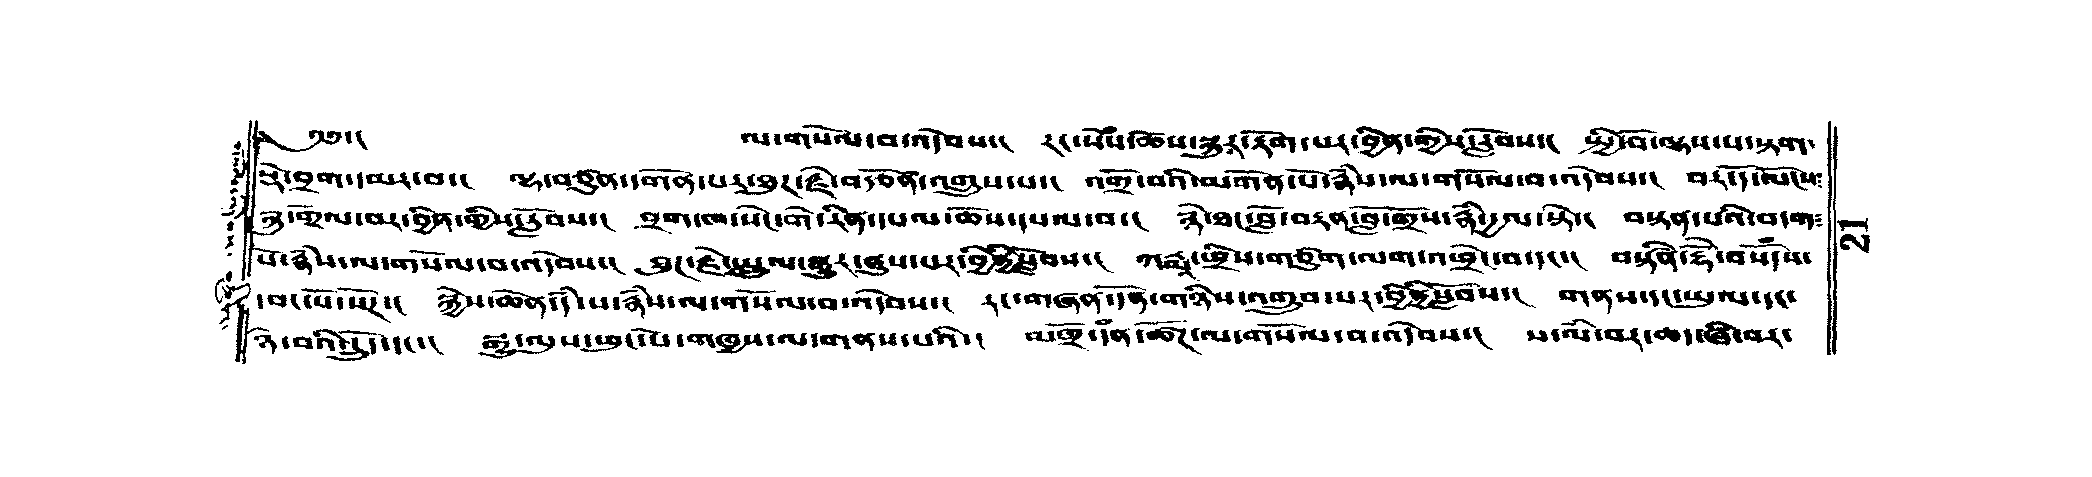ལ་གསོལ་བ་འདེབས། །རང་སེམས་ཆོས་སྐུར་རྟོགས་པར་བྱིན་གྱིས་རློབས། །སྤྱི་བོ་ལྷས་པ་སྟག་
སྡེ་བྲག་དམར་བ། །ལྷ་བཙུན་དགོན་པར་ཐུགས་རྗེ་བརྩོན་འགྲུས་པ། །འགྲོ་བའི་མགོན་པོ་རྣམས་ལ་གསོལ་བ་འདེབས། །བར་དོ་ལོངས་
སྐུ་གྲོལ་བར་བྱིན་གྱིས་རློབས། །བྲག་ཁ་སེང་གེ་རིན་དཔལ་ཆོས་དཔལ་བ། །སྙེ་ཐང་བློ་བརྟན་བློ་གྲོས་རྣམ་རྒྱལ་སྟེ། །བསྟན་པའི་བདག་
པོ་རྣམས་ལ་གསོལ་བ་འདེབས། །ཐུགས་རྗེ་སྤྲུལ་སྒྱུར་ནུས་པར་བྱིན་གྱིས་རློབས། །ཀརྨ་ཕྲིན་ལས་གཙུག་ལག་འཕྲེང་བ་དང་། །བསྟན་འཛིན་རྡོ་རྗེ་བསོད་ནམས་
དབང་པོ་སོགས། །སྐྱེས་ཆེན་དམ་པ་རྣམས་ལ་གསོལ་བ་འདེབས། །རང་གཞན་དོན་གཉིས་འགྲུབ་པར་བྱིན་གྱིས་རློབས། །གནས་དང་ཡུལ་དང་
ཉེ་བའི་དུར་ཁྲོད་དང་། །སྒྱུ་ལུས་ཕུང་པོ་གཞལ་ཡས་ལ་གནས་པའི། །མཁའ་འགྲོ་དམ་ཅན་ཚོགས་ལ་གསོལ་བ་འདེབས། །ས་ལམ་བར་ཆད་ཞི་བར་